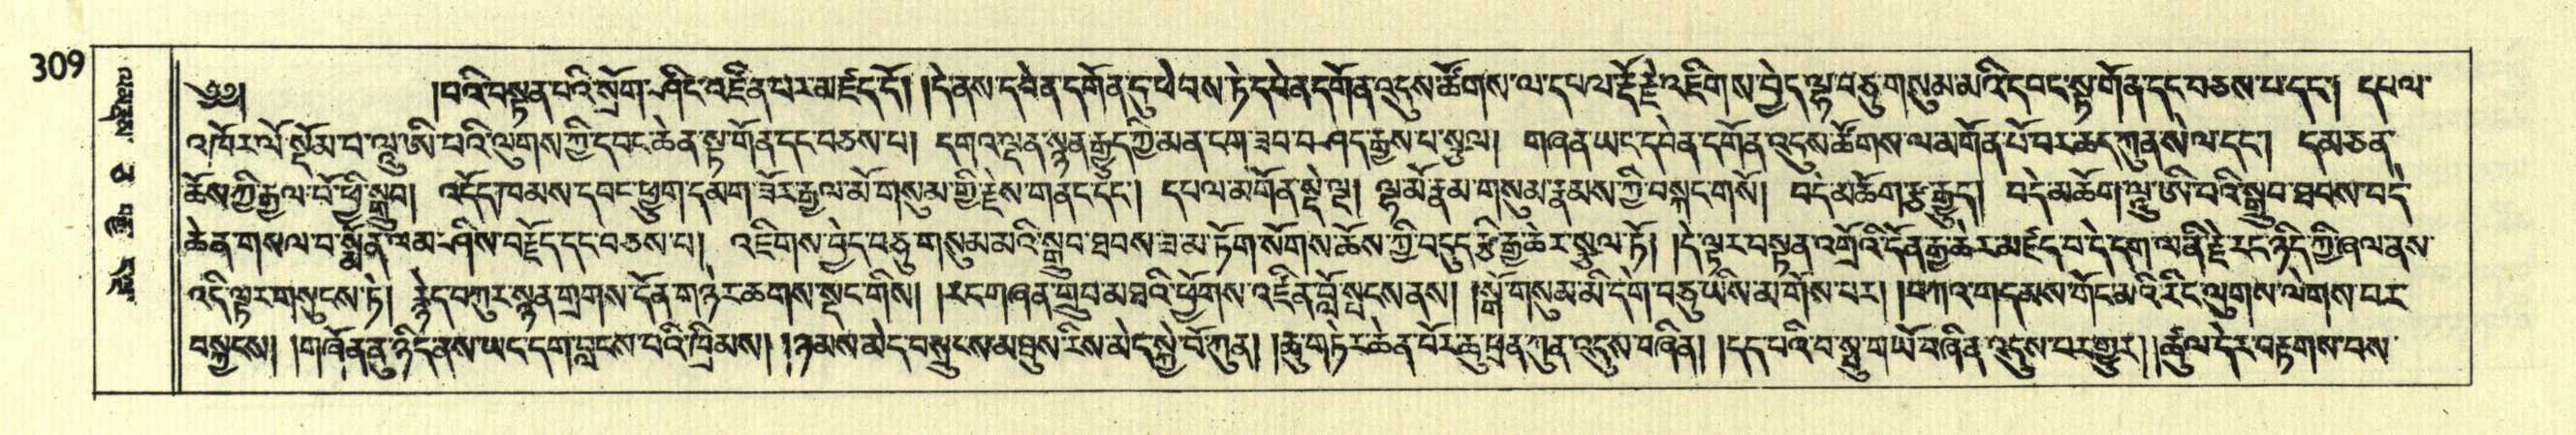༄༅། །བའི་བསྟན་པའི་སྲོག་ཤིང་འཛིན་པར་མཛད་དོ། །དེ་ནས་དབེན་དགོན་དུ་ཕེབས་ཏེ་དཔེན་དགོན་འདུས་ཚོགས་ལ་དཔལ་རྡོ་རྗེ་འཇིགས་བྱེད་ལྷ་བཅུ་གསུམ་མའི་དབང་སྟ་གོན་དང་བཅས་པ་དང་། དཔལ་
འཁོར་ལོ་སྡོམ་པ་ལཱུ་ཨི་པའི་ལུགས་ཀྱི་དབང་ཆེན་སྟ་གོན་དང་བཅས་པ། དགའ་ལྡན་སྙན་རྒྱུད་ཀྱི་མན་ངག་ཟབ་བཤད་རྒྱས་པ་སྩལ། གཞན་ཡང་དབེན་དགོན་འདུས་ཚོགས་ལ་མགོན་པོ་བར་ཆད་ཀུན་སེལ་དང་། དམ་ཅན་
ཆོས་ཀྱི་རྒྱལ་པོ་ཕྱི་སྒྲུབ། འདོད་ཁམས་དབང་ཕྱུག་དམག་ཟོར་རྒྱལ་མོ་གསུམ་གྱི་རྗེས་གནང་དང་། དཔལ་མགོན་སྡེ་ལྔ། ལྷ་མོ་རྣམ་གསུམ་རྣམས་ཀྱི་བསྐང་གསོ། བདེ་མཆོག་རྩ་རྒྱུད། བདེ་མཆོག་ལཱུ་ཨི་བའི་སྒྲུབ་ཐབས་བདེ་
ཆེན་གསལ་བ་སྨོན་ལམ་ཤིས་བརྗོད་དང་བཅས་པ། འཇིགས་བྱེད་བཅུ་གསུམ་མའི་སྒྲུབ་ཐབས་ཟ་མ་ཏོག་སོགས་ཆོས་ཀྱི་བདུད་རྩི་རྒྱ་ཆེར་སྩལ་ཏོ། །དེ་ལྟར་བསྟན་འགྲོའི་དོན་རྒྱ་ཆེར་མཛད་པ་དེ་དག་ལ་ནི་རྗེ་རང་ཉིད་ཀྱི་ཞལ་ནས་
འདི་ལྟར་གསུངས་ཏེ། རྙེད་བཀུར་སྙན་གྲགས་དོན་གཉེར་ཆགས་སྡང་གིས། །རང་གཞན་གྲུབ་མཐའི་ཕྱོགས་འཛིན་བློ་སྤངས་ནས། །སྒོ་གསུམ་མི་དགེ་བཅུ་ཡིས་མ་གོས་པར། །བཀའ་གདམས་གོང་མའི་རིང་ལུགས་ལེགས་པར་
བསྐྱངས། །གཞོན་ནུ་ཉིད་ནས་ཡང་དག་བླངས་པའི་ཁྲིམས། །ཉམས་མེད་བསྲུངས་མཐུས་རིས་མེད་སྐྱེ་བོ་ཀུན། །ཆུ་གཏེར་ཆེན་པོར་ཆུ་ཕྲན་ཀུན་འདུས་བཞིན། །དད་པའི་བ་སྤུ་གཡོ་བཞིན་འདུས་བར་གྱུར། །ཚུལ་དེར་བརྟགས་པས་